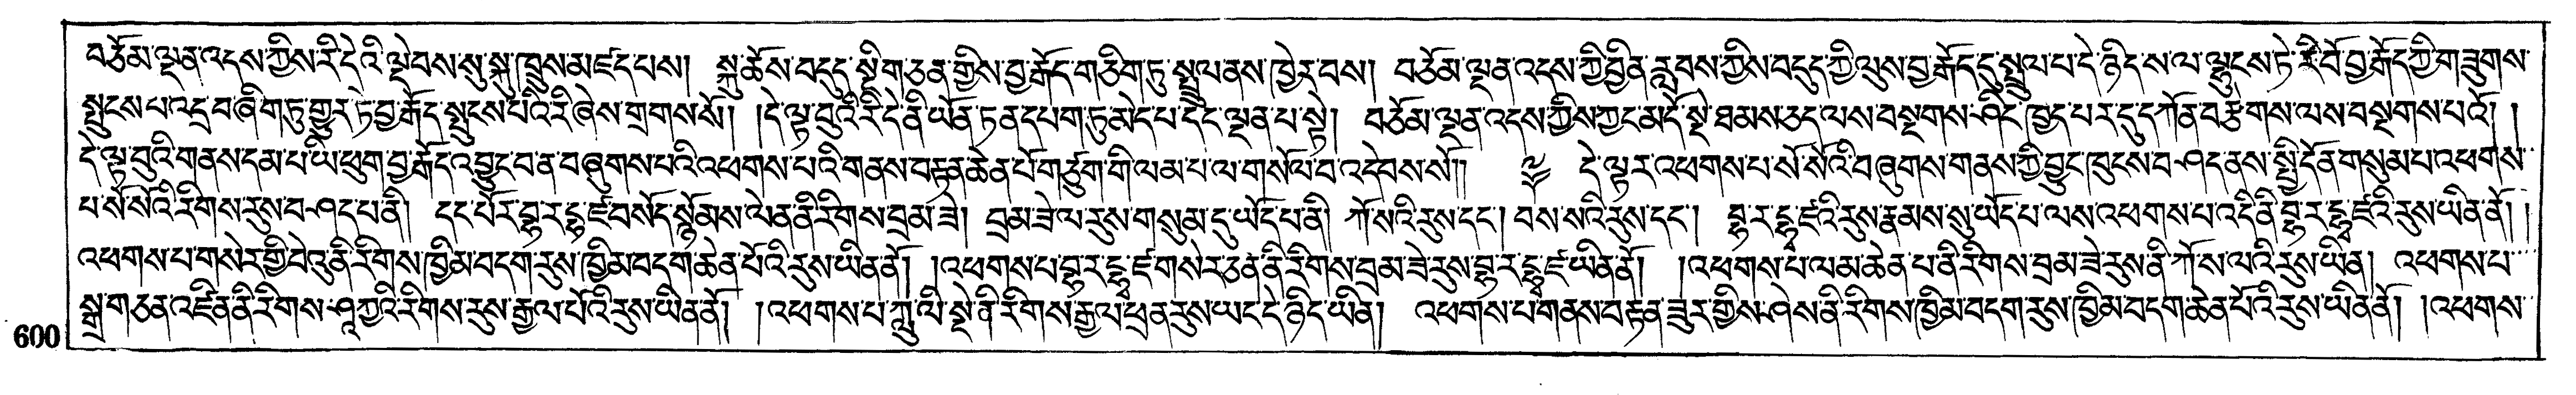བཅོམ་ལྡན་འདས་ཀྱིས་རི་དེའི་ལྡེབས་སུ་སྐུ་ཁྲུས་མཛད་པས། སྐུ་ཆོས་བདུད་སྡིག་ཅན་གྱིས་བྱ་རྒོད་གཅིག་ཏུ་སྤྲུལ་ནས་ཁྱེར་བས། བཅོམ་ལྡན་འདས་ཀྱི་བྱིན་རླབས་ཀྱིས་བདུད་ཀྱི་ལུས་བྱ་རྒོད་དུ་སྤྲུལ་པ་དེ་ཉིད་ས་ལ་ལྷུང་ས་ཏེ་རི་བོ་བྱ་རྒོད་ཀྱི་གཟུགས་
སྤུངས་པ་འདྲ་བ་ཞིག་ཏུ་གྱུར་ཏེ་བྱ་རྒོད་སྤུངས་པའི་རི་ཞེས་གྲགས་སོ། །དེ་ལྟ་བུའི་རི་དེ་ནི་ཡོན་ཏན་དཔག་ཏུ་མེད་པ་དང་ལྡན་པ་སྟེ། བཅོམ་ལྡན་འདས་ཀྱིས་ཀྱང་མདོ་སྡེ་ཐམས་ཅད་ལས་བསྔགས་ཤིང་ཁྱད་པར་དུ་དཀོན་བརྩེགས་ལས་བསྔགས་པའོ། །
དེ་ལྟ་བུའི་གནས་དམ་པ་ཡི་ཕུག་བྱ་རྒོད་འབྱུང་བ་ན་བཞུགས་པའི་འཕགས་པའི་གནས་བརྟན་ཆེན་པོ་གཙུག་གི་ལམ་བ་ལ་གསོལ་བ་འདེབས་སོ།། ༈ དེ་ལྟར་འཕགས་པ་སོ་སོའི་བཞུགས་གནས་ཀྱི་བྱུང་ཁུངས་བཤད་ནས་སྤྱི་དོན་གསུམ་པ་འཕགས་
པ་སོ་སོའི་རིགས་རུས་བཤད་པ་ནི། དང་པོར་བྷ་ར་དྷྭ་ཛ་བསོད་སྙོམས་ལེན་ནི་རིགས་བྲམ་ཟེ། བྲམ་ཟེ་ལ་རུས་གསུམ་དུ་ཡོད་པ་ནི། ཀོ་སའི་རུས་དང་། བས་སའི་རུས་དང་། བྷ་ར་དྷྭ་ཛའི་རུས་རྣམས་སུ་ཡོད་པ་ལས་འཕགས་པ་འདི་ནི་བྷ་ར་དྷྭ་ཛའི་རུས་ཡིན་ནོ། །
འཕགས་པ་གསེར་གྱི་བེའུ་ནི་རིགས་ཁྱིམ་བདག་རུས་ཁྱིམ་བདག་ཆེན་པོའི་རུས་ཡིན་ནོ། །འཕགས་པ་བྷ་ར་དྷྭ་ཛ་གསེར་ཅན་ནི་རིགས་བྲམ་ཟེ་རུས་བྷ་ར་དྷྭ་ཛ་ཡིན་ནོ། །འཕགས་པ་ལམ་ཆེན་པ་ནི་རིགས་བྲམ་ཟེ་རུས་ནི་ཀོ་ས་ལའི་རུས་ཡིན། འཕགས་པ་
སྒྲ་གཅན་འཛིན་ནི་རིགས་ཤཱཀྱའི་རིགས་རུས་རྒྱལ་པོའི་རུས་ཡིན་ནོ། །འཕགས་པ་ཀླུ་ཡི་སྡེ་ནི་རིགས་རྒྱལ་ཕྲན་རུས་ཡང་དེ་ཉིད་ཡིན། འཕགས་པ་གནས་བརྟན་ཟུར་གྱིས་ཤེས་ནི་རིགས་ཁྱིམ་བདག་རུས་ཁྱིམ་བདག་ཆེན་པོའི་རུས་ཡིན་ནོ། །འཕགས་